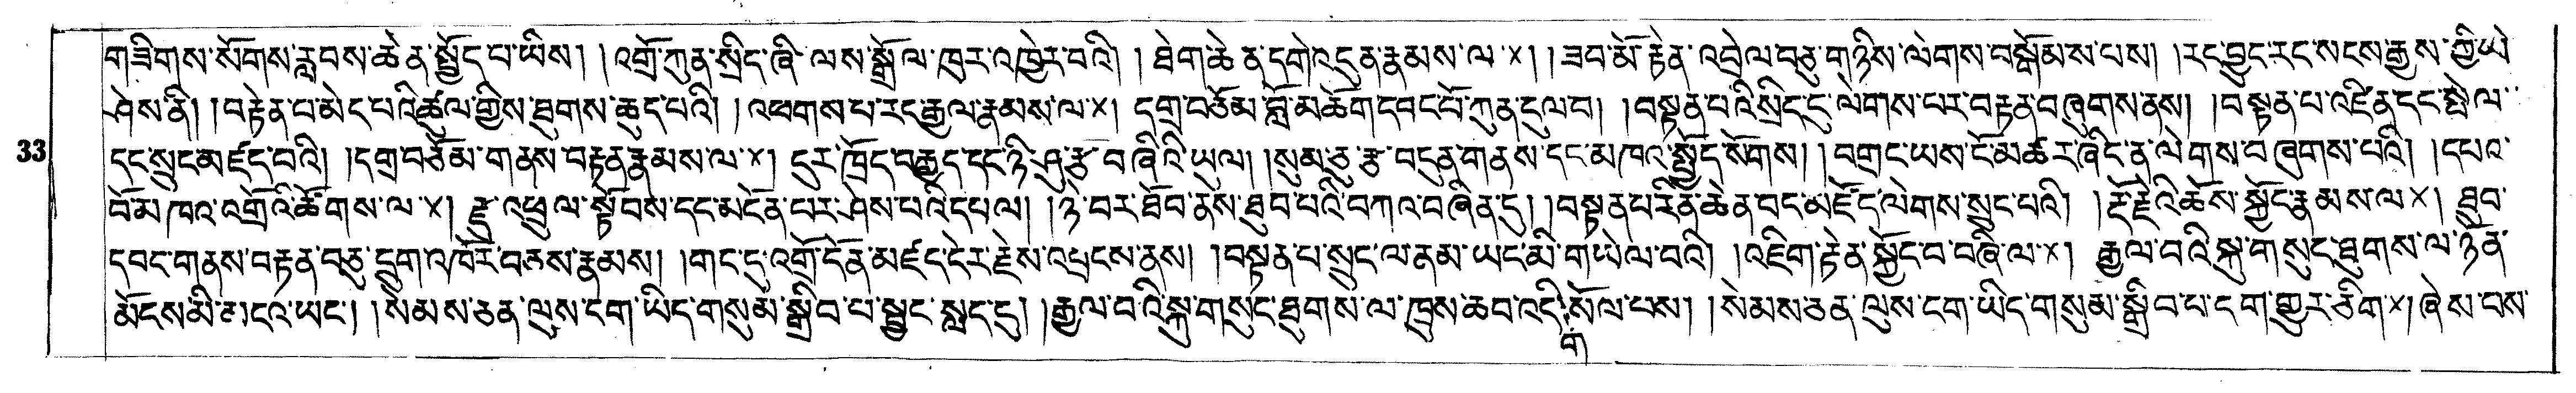གཟིགས་སོགས་རླབས་ཆེན་སྤྱོད་པ་ཡིས། །འགྲོ་ཀུན་སྲིད་ཞི་ལས་སྒྲོལ་ཁུར་འཁྱེར་བའི། །ཐེག་ཆེན་དགེ་འདུན་རྣམས་ལ་྾། །ཟབ་མོ་རྟེན་འབྲེལ་བཅུ་གཉིས་ལེགས་བསྒོམས་པས། །རང་བྱུང་རང་སངས་རྒྱས་ཀྱི་ཡེ་
ཤེས་ནི། །བརྟེན་པ་མེད་པའི་ཚུལ་གྱིས་ཐུགས་ཆུད་པའི། །འཕགས་པ་རང་རྒྱལ་རྣམས་ལ་྾། དགྲ་བཅོམ་བློ་མཆོག་དབང་པོ་ཀུན་དུལ་བ། །བསྟན་པའི་སྲིད་དུ་ལེགས་པར་བརྟན་བཞུགས་ནས། །བསྟན་པ་འཛིན་དང་སྤེལ་
དང་སྲུང་མཛད་པའི། །དགྲ་བཅོམ་གནས་བརྟན་རྣམས་ལ་྾། དུར་ཁྲོད་བརྒྱད་དང་ཉི་ཤུ་རྩ་བཞིའི་ཡུལ། །སུམ་ཅུ་རྩ་བདུན་གནས་དང་མཁའ་སྤྱོད་སོགས། །བགྲང་ཡས་ངོ་མཚར་ཞིང་ན་ལེགས་བཞུགས་པའི། །དཔའ་
བོ་མཁའ་འགྲོའི་ཚོགས་ལ་྾། རྫུ་འཕྲུལ་སྟོབས་དང་མངོན་པར་ཤེས་པའི་དཔལ། །ཉེ་བར་ཐོབ་ནས་ཐུབ་པའི་བཀའ་བཞིན་དུ། །བསྟན་པ་རིན་ཆེན་བང་མཛོད་ལེགས་སྲུང་པའི། །རྡོ་རྗེའི་ཆོས་སྐྱོང་རྣམས་ལ་྾། ཐུབ་
དབང་གནས་བརྟན་བཅུ་དྲུག་འཁོར་བཅས་རྣམས། །གང་དུ་འགྲོ་དོན་མཛད་དེར་རྗེས་འབྲངས་ནས། །བསྟན་པ་སྲུང་ལ་ནམ་ཡང་མི་གཡེལ་བའི། །འཇིག་རྟེན་སྐྱོང་བ་བཞི་ལ་྾། རྒྱལ་བའི་སྐུ་གསུང་ཐུགས་ལ་ཉོན་
མོངས་མི་མངའ་ཡང་། །སེམས་ཅན་ལུས་ངག་ཡིད་གསུམ་སྒྲིབ་པ་སྦྱང་སླད་དུ། །རྒྱལ་བའི་སྐུ་གསུང་ཐུགས་ལ་ཁྲུས་ཆབ་འདི་གསོལ་པས། །སེམས་ཅན་ལུས་ངག་ཡིད་གསུམ་སྒྲིབ་པ་དག་གྱུར་ཅིག་྾། ཞེས་པས་